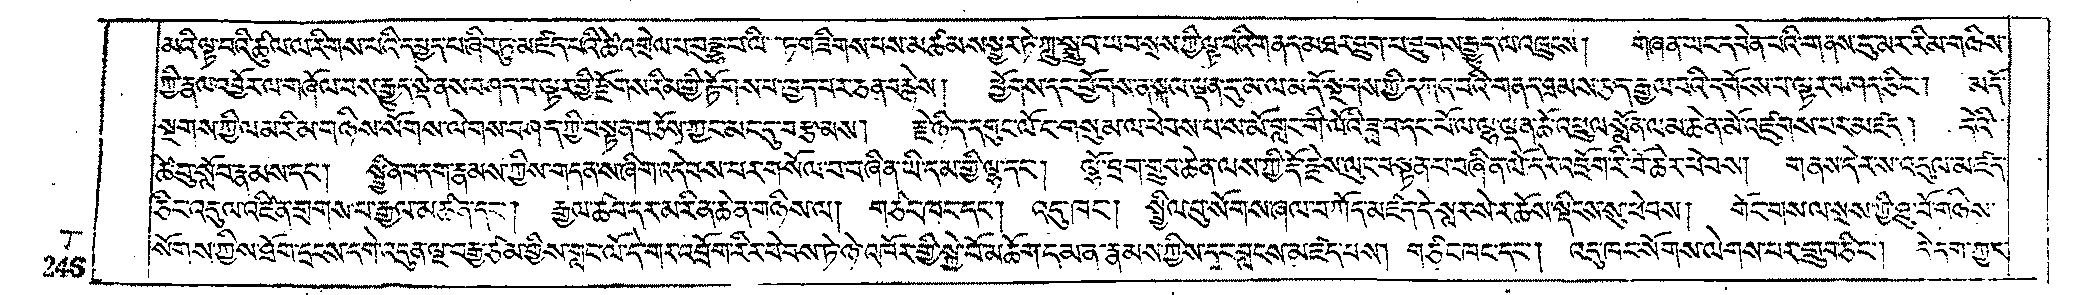མའི་ལྟ་བའི་ཚུལ་ལ་རིགས་པའི་དཔྱད་པ་ཞིབ་ཏུ་མཛད་པའི་ཚེ་འགྲེལ་པ་བུདྡྷ་པ་ལི་་་ཏ་གཟིགས་པས་མཚམས་སྦྱར་ཏེ་ཀླུ་སྒྲུབ་ཡབ་སྲས་ཀྱི་ལྟ་བའི་གནད་མཐར་ཐུག་པ་ཐུགས་རྒྱུད་ལ་འཁྲུངས། གཞན་ཡང་དབེན་པའི་གནས་དུ་མར་རིམ་གཉིས་
ཀྱི་རྣལ་འབྱོར་ལ་གཞོལ་བས་རྒྱུད་སྡེ་ནས་བཤད་པ་ལྟར་གྱི་རྫོགས་རིམ་གྱི་རྟོགས་པ་ཁྱད་པར་ཅན་བརྙེས། ཕྱོགས་དང་ཕྱོགས་ན་སྐལ་ལྡན་དུ་མ་ལ་མདོ་སྔགས་ཀྱི་དཀའ་བའི་གནད་ཐམས་ཅད་རྒྱལ་བའི་དགོངས་པ་ལྟར་བཤད་ཅིང་། མདོ་
སྔགས་ཀྱི་ལམ་རིམ་གཉིས་སོགས་ལེགས་བཤད་ཀྱི་བསྟན་བཅོས་ཀྱང་མང་དུ་བརྩམས། རྗེ་ཉིད་དགུང་ལོ་ང་གསུམ་ལ་ཕེབས་པ་ས་མོ་གླང་གི་ལོའི་ཟླ་བ་དང་པོ་ལ་ལྷ་ལྡན་ཆོ་འཕྲུལ་སྨོན་ལམ་ཆེན་མོ་འཛུགས་པར་མཛད། དེའི་་་
ཚེ་བུ་སློབ་རྣམས་དང་། སྦྱིན་བདག་རྣམས་ཀྱིས་གདན་ས་ཞིག་འདེབས་པར་གསོལ་བ་བཞིན་ཡི་དམ་གྱི་ལྷ་དང་། ལྷོ་བྲག་གྲུབ་ཆེན་ལས་ཀྱི་རྡོ་རྗེས་ལུང་བསྟན་པ་བཞིན་ལོ་དེར་འབྲོག་རི་བོ་ཆེར་ཕེབས། གནས་དེར་ས་འདུལ་མཛད་
ཅིང་འདུལ་འཛིན་གྲགས་པ་རྒྱལ་མཚན་དང་། རྒྱལ་ཚབ་དར་མ་རིན་ཆེན་གཉིས་ལ། གཙང་ཁང་དང་། འདུ་ཁང་། སྤྱིལ་བུ་སོགས་ཞལ་བཀོད་མཛད་དེ་སླར་སེ་ར་ཆོས་སྡིངས་སུ་ཕེབས། གོང་གསལ་སྲས་ཀྱི་ཐུ་བོ་གཉིས་
སོགས་ཀྱིས་ཐོག་དྲངས་དགེ་འདུན་ལྔ་བརྒྱ་ཙམ་གྱིས་གླང་ལོ་དེ་གར་འབྲོག་རིར་ཕེབས་ཏེ་ཉེ་འཁོར་གྱི་སྐྱེ་བོ་མཆོག་དམན་རྣམས་ཀྱིས་དྭང་བླངས་མཛད་པས། གཙང་ཁང་དང་། འདུ་ཁང་སོགས་ལེགས་པར་གྲུབ་ཅིང་། དེ་དག་ཀྱང་